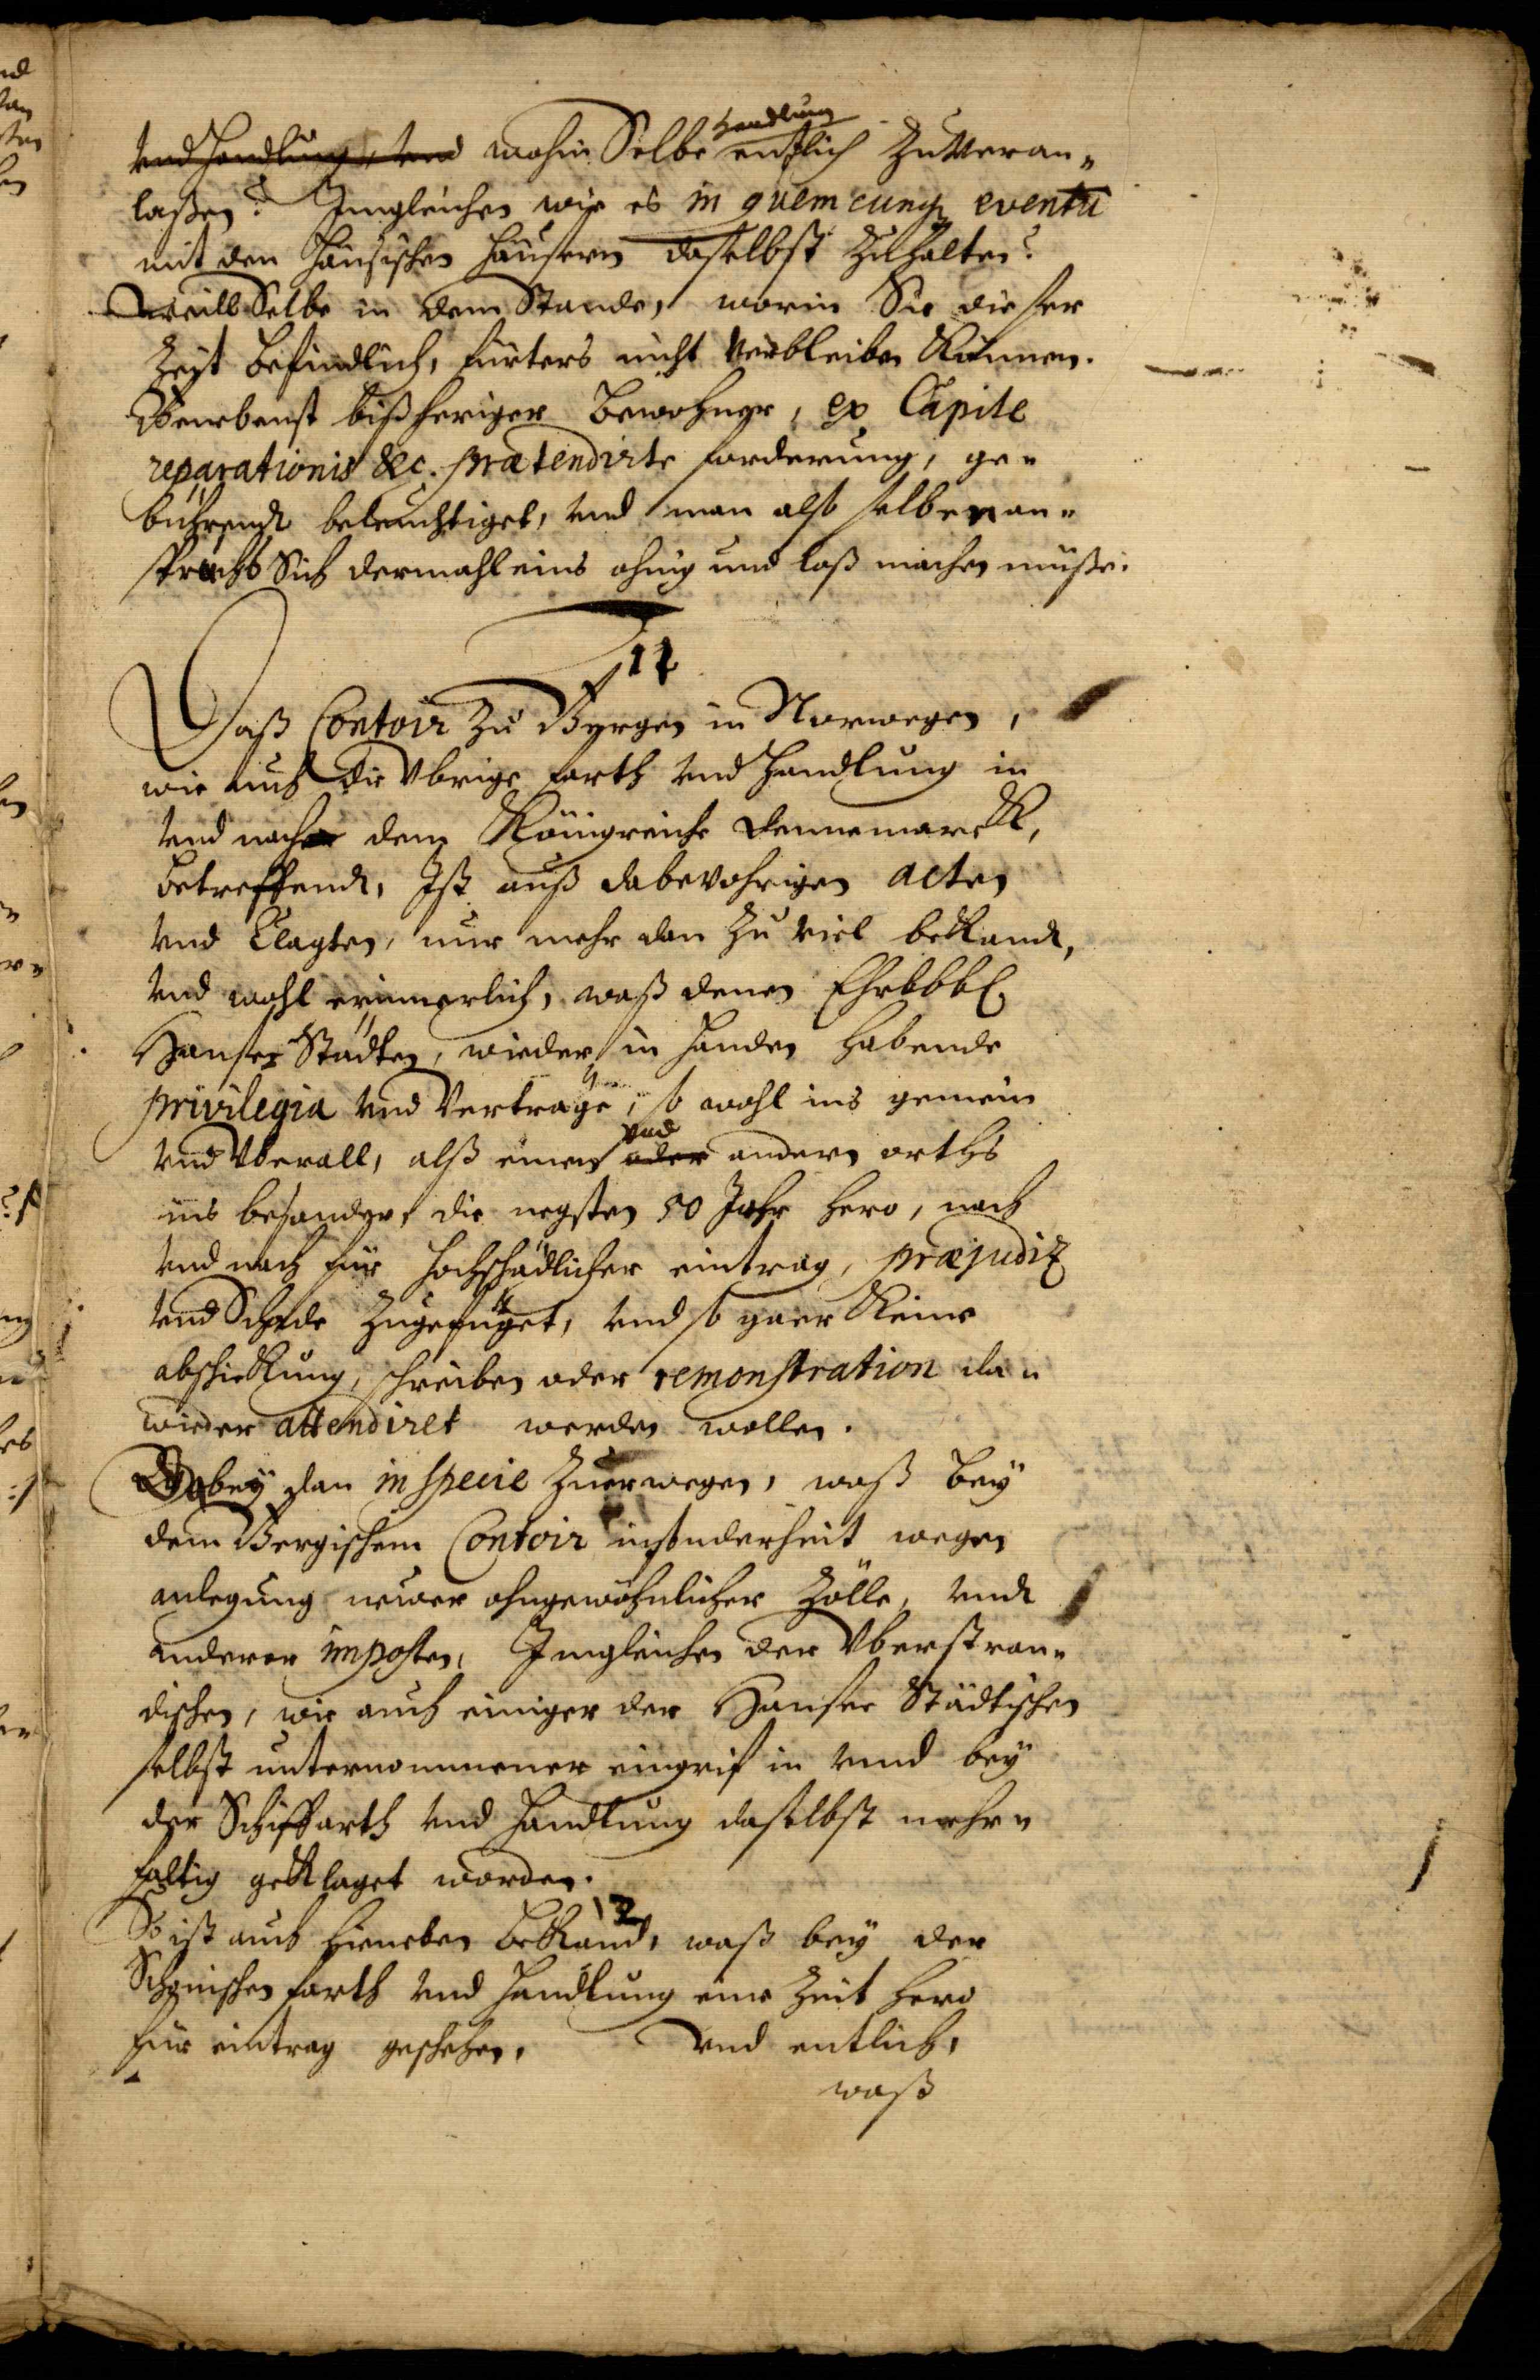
vnd handlung, vnd wohin Selbe handlung entlich zuveran¬
laßen? Imgleichen wie es in quem eunque eventum
mit den hänsischen häusern daselbst zuhalten?
Weill Selbe in dem Stande, worin Sie dieser
Zeit befindlich, fürters nicht verbleiben können.
Benebenst bißheriger bewohner, ex Capite
reparationis &c. praetendirte furderung, ge¬
bührendt beleuchtiget, vnd man also selben an¬
spruchs Sich dermahl eins ohnig vnd loß machen müße.
12
Daß Contoir zu Bergen in Norwegen,
wie auch die vbrige farth vnd Handlung in
vnd nacher dem Königreiche Dennemarck,
betreffendt, Iß auß dabevohrigen acten
vnd Clagten, nur mehr dan zu viel bekandt,
vnd wohl erinnerlich, waß denen Ehrbbb.
Hansee Städten, wieder in handen habende
privilegia vnd Verträge, so wohl ins gemein
vnd Vberall, alß einen vnd oder andern orths
ins besonder, die negsten 50 Jahr hero, nach
vnd nach für hochschädlicher eintrag, praejudiz
vnd Schade zugefüget, vnd so gaer Keine
abschickung, schreiben oder remonstration da¬
wieder attendiret werden wollen.
Dabeij dan in specie zuerwegen, waß beij
dem Bergischem Contoir insonderheit wegen
anlegung newer ohngewöhnlicher Zölle, vnd
anderer imposten, Imgleichen der Vberstran¬
dischen, wie auch einiger der Hansee Städtischen
selbst unternommener eingrif in vnnd beij
der Schiffarth vnd handlung daselbst mehr¬
faltig geklaget worden.
So ißt auch hieneben bekand, waß beij der
Schonischen farth vnd handlung eine zeit hero
für eintrag geschehen, vnd entlich,
waß
